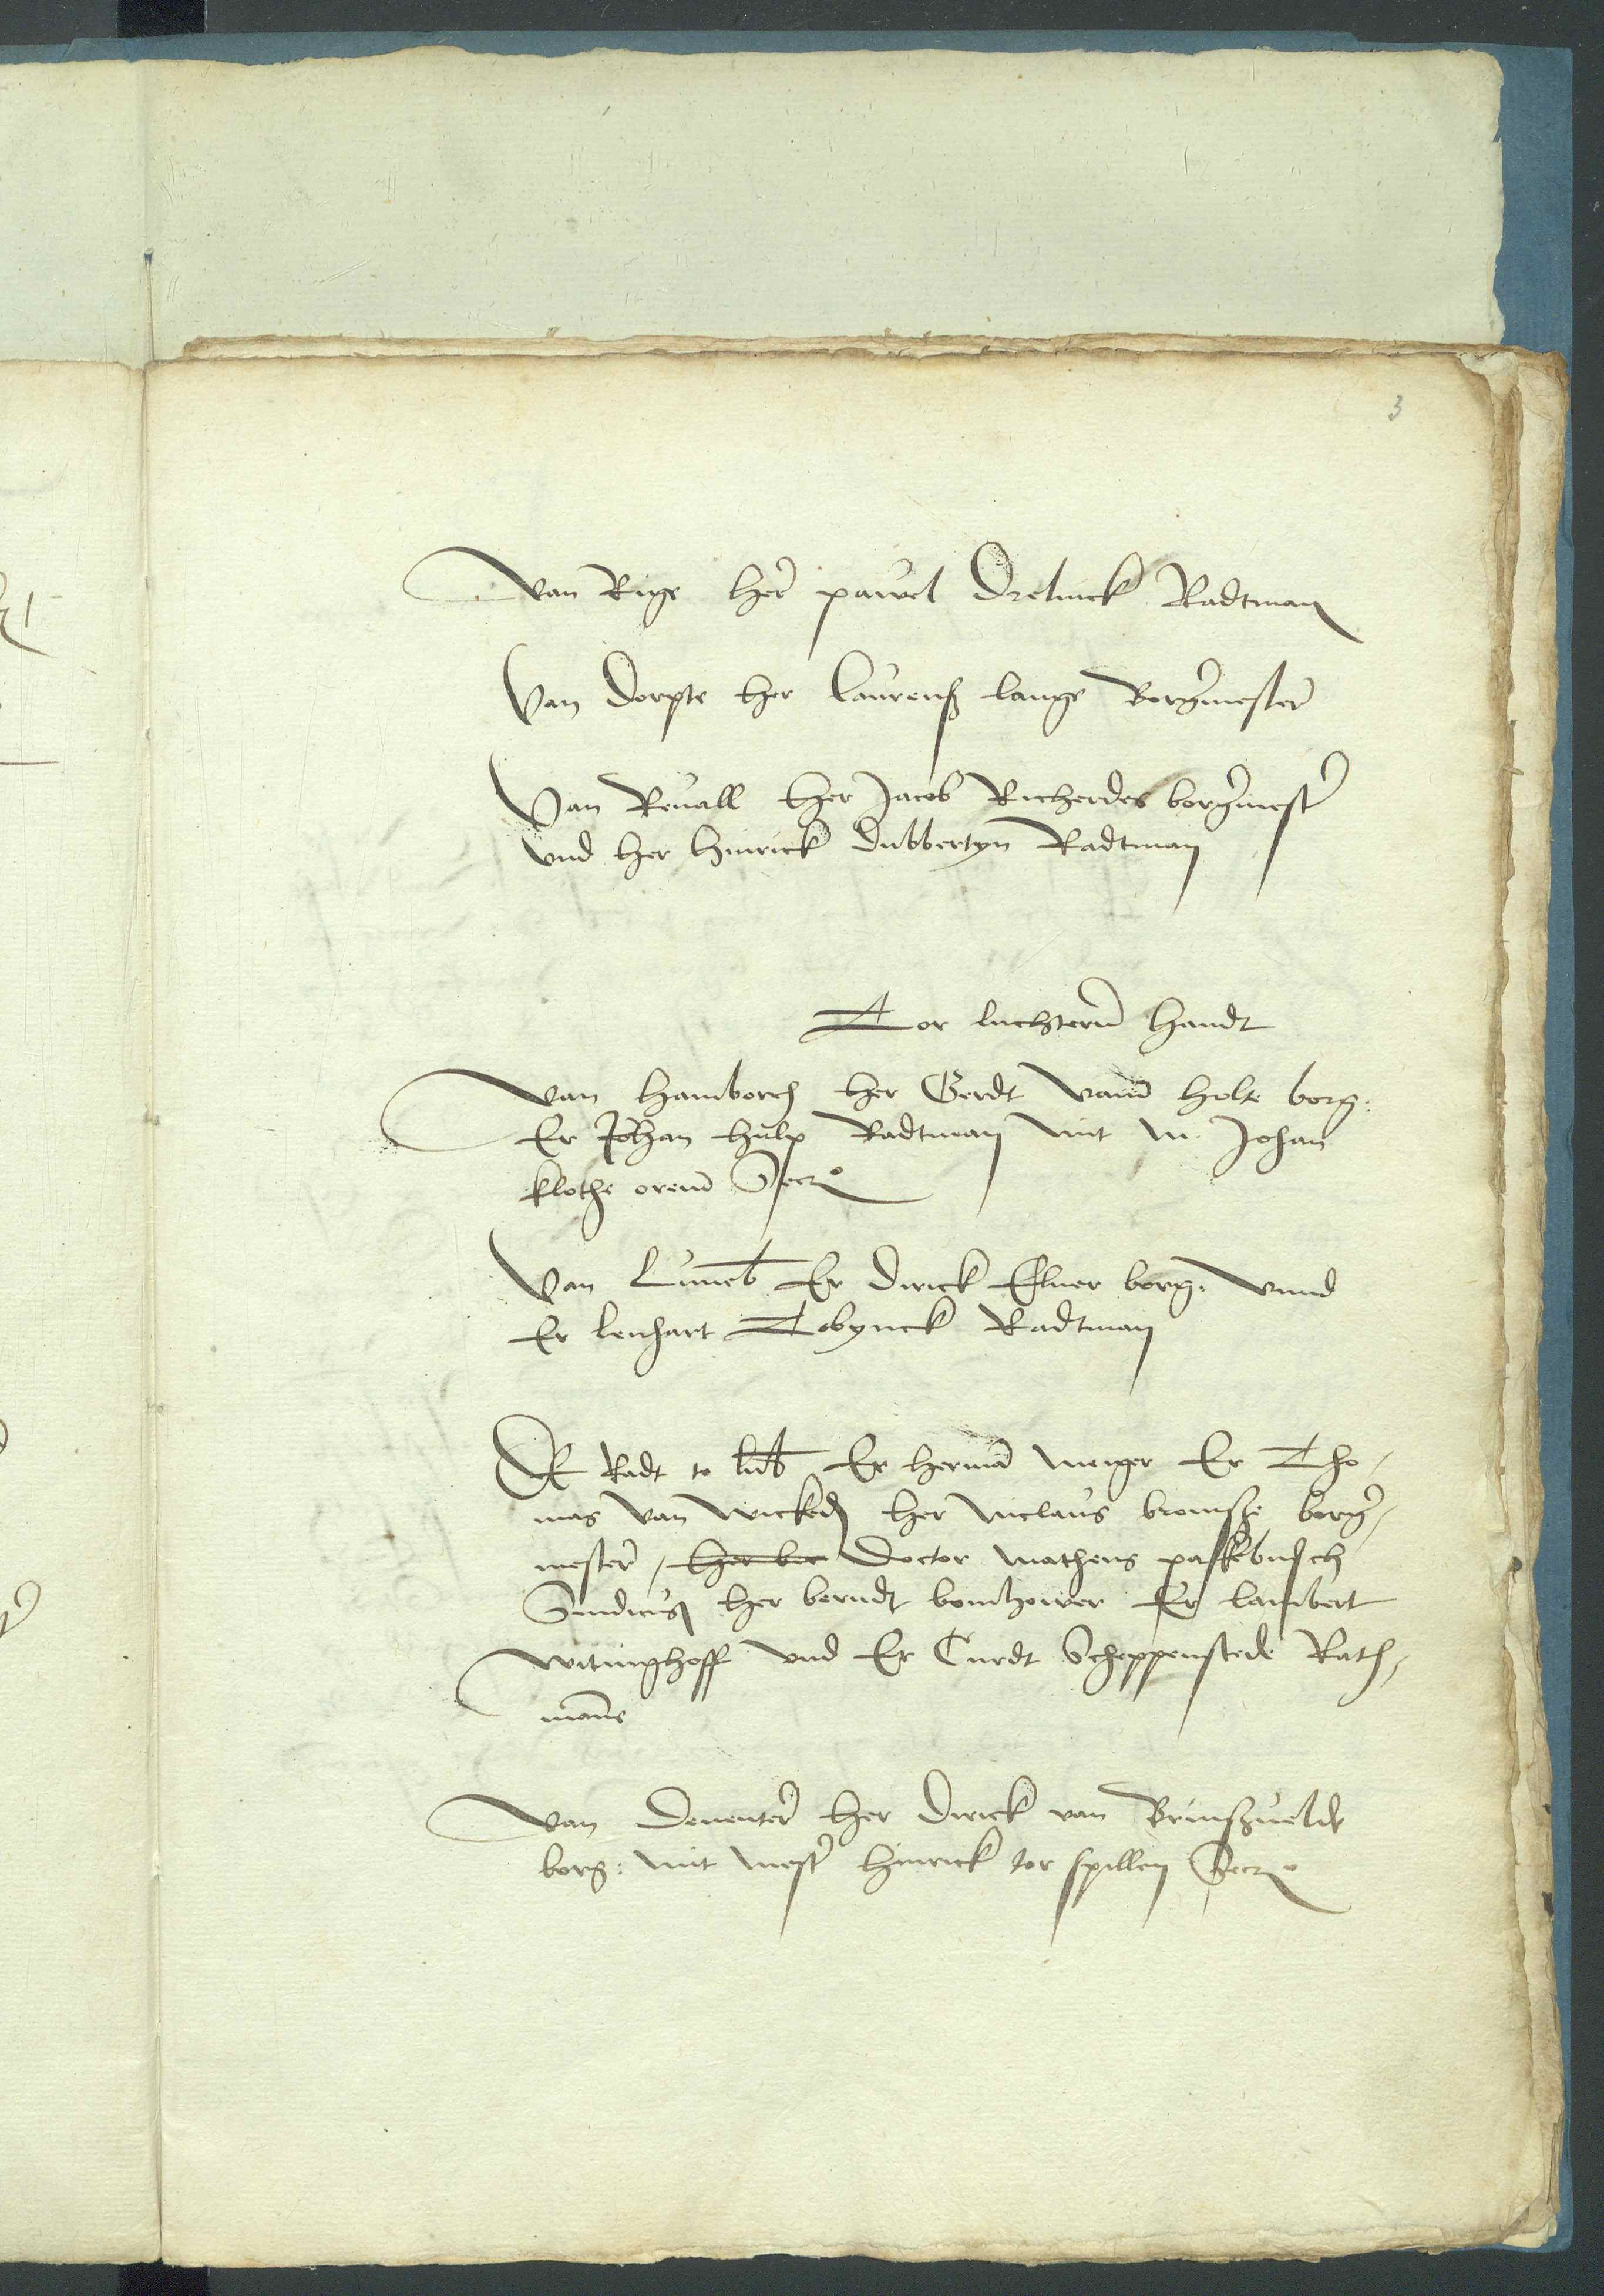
Van Rige her pawel Drelinck Radtman
Van Dorpte her laurenß lange Borgermester
Van Reuall her Jacob Richardes Borgermester
vnd her hinrick Dubbertyn Radtman
Tor luchteren handt
van hamborch her Gerdt vann holte borgermester
Er Johan hulp Radtman mit M. Johan
klothe orem Secretario
Van Luneburg Er Dirick Elver borgermester vnnd
Er lenhart Tobynck Radtmann
De Radt to Lubeck Er hermen meiger Er Tho¬
mas van Wikeden her Niclaus Bromße borger¬
mester, her be Doctor matheus pakebusch
Sindicus her berndt bomtzower Er lambert
witinghoff vnd Er Curdt Scheppenstede Rath¬
manne
Van Deuenter Her dirick van Brunßuelde
borgermester mit mester hinrick tor spillen Secretario
